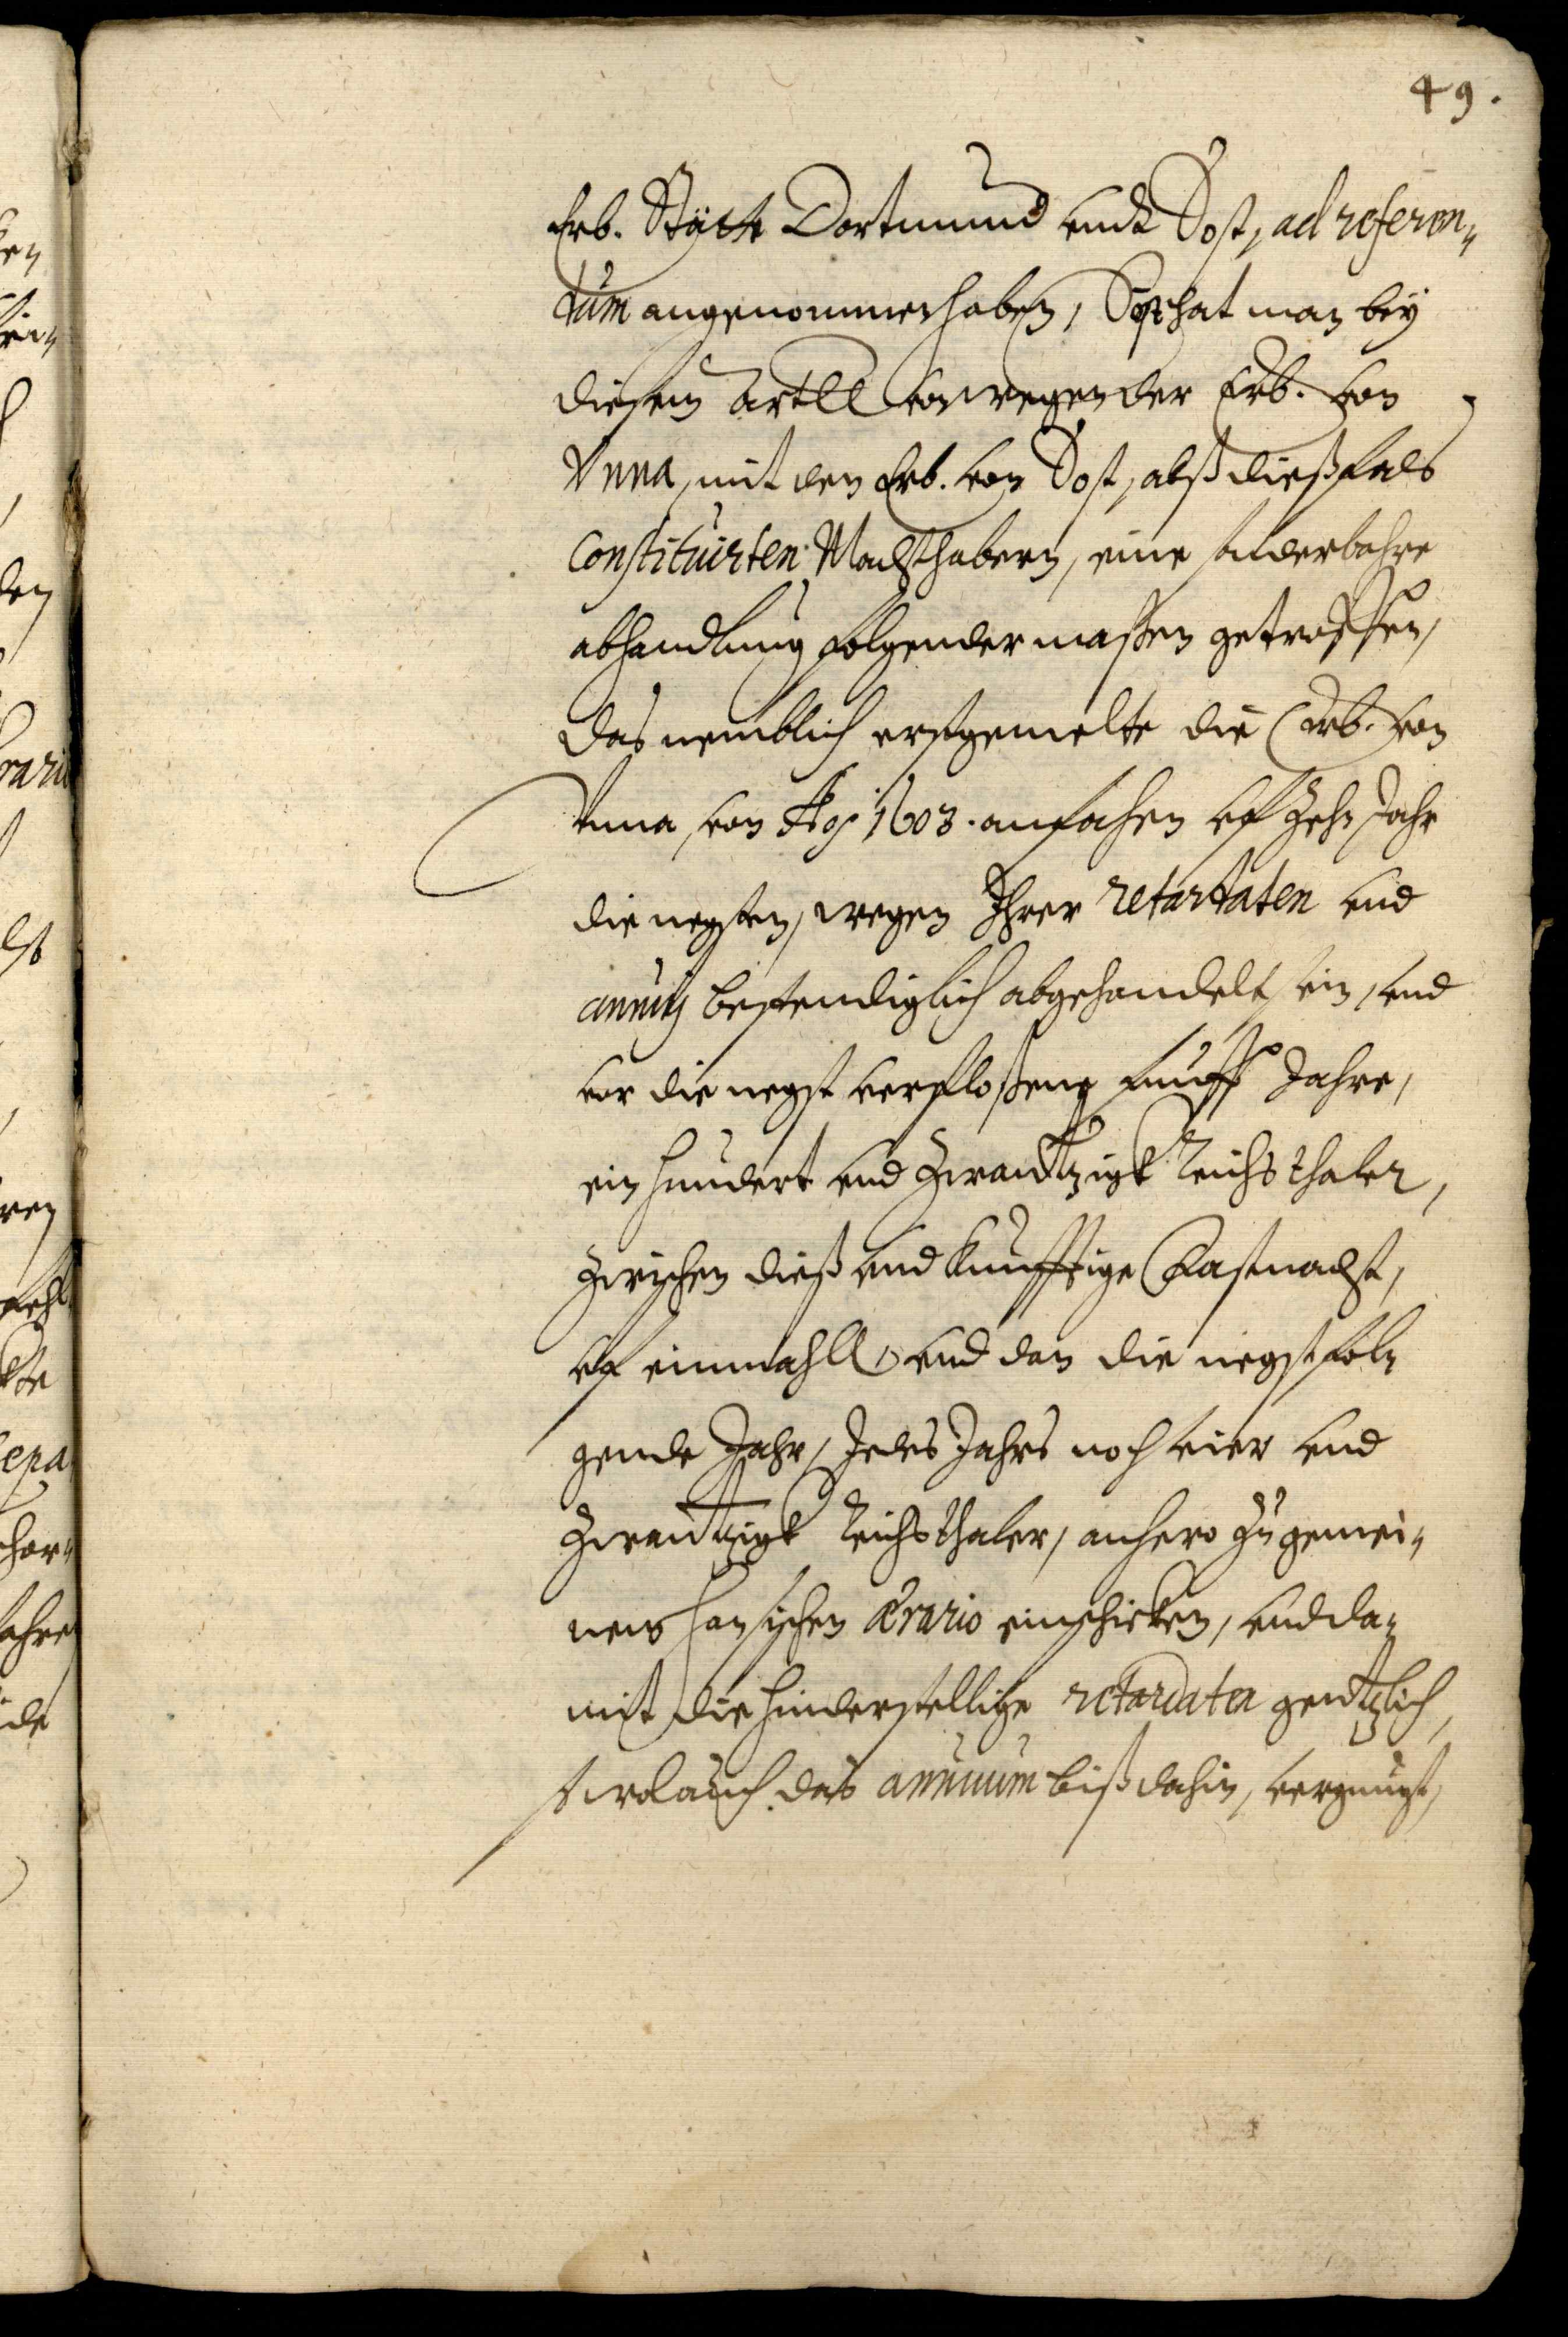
49.
Erb: Stätte Dortmund vnd Sost, ad referen¬
dun angenommen haben, Sost hat man beij
diesem Artll vorwegen der Erb. von
Vnna mit den Erb. von Sost, alß diesfals
constituiriten Machthabern, eine sonderbahre
abhandlung folgendermaßen gebreffen,
das nemblich erstgemelte die Erb. von
Vnna von Anno p 1608. anfahen vf zehn Jahr
die negsten, wegen Ihrer retardaten vnd
annuj bestendiglich abgehandelt sein, vnd
vor die negst verfloßene funff Jahre,
einhundert vnd zwantzigk reichs thaler,
zwischen dieß vnd kunfftige Fastnacht,
vf einmahl vnd dan die negstfol¬
gende Jahr, Jedes Jahrs noch vier vnd
zwantzigk reichsthaler, anhero zu gemei¬
ners hansischer aerario einschicken, vnd da¬
mit die hinderstellige retardaten gentzlich
so wol auch das annuum biß dahin, vergungt
